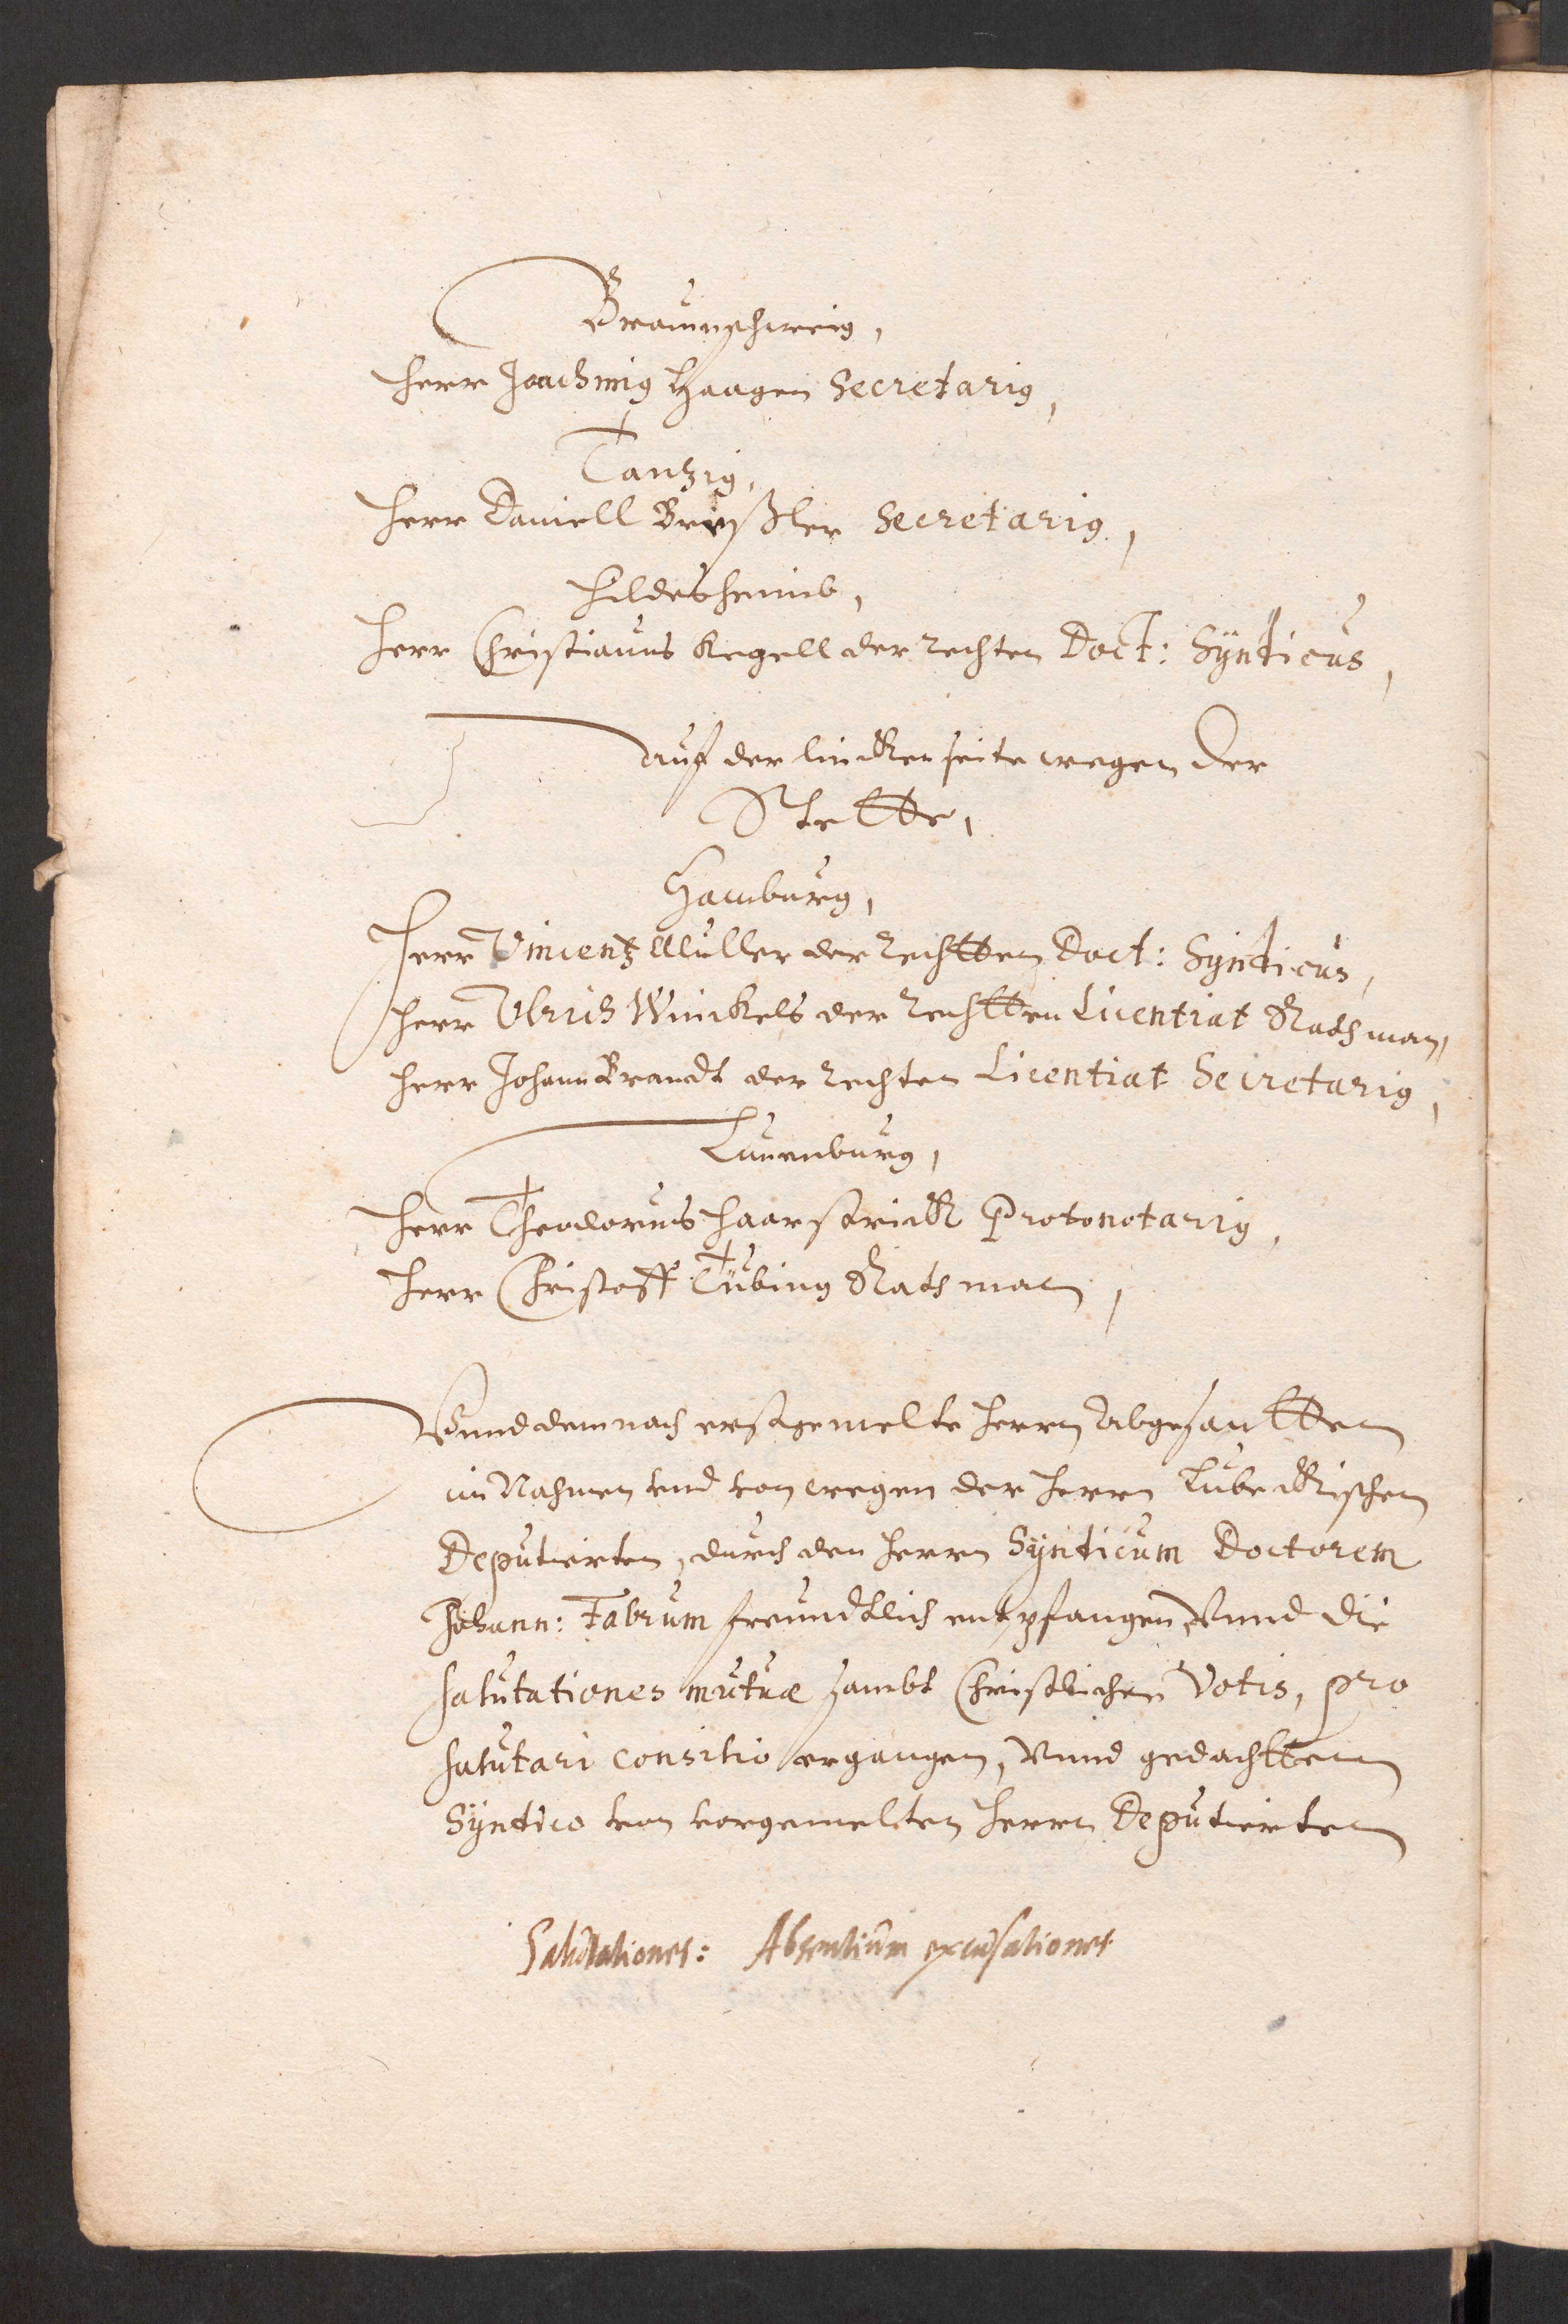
Braunschweig,
herr Joachimus Haagen Secretarius,
Tantzig,
herr Daniell Brußler Secretarius,
hildesheimb,
herr Christianus kegell der rechten Doctor Sijndicus,
auf der lincken seite wegen der
Stette,
Hamburg,
herr Vincentz Muller der rechtten Doctor Syndicus,
herr Vlrich Winckels der rechtten Licentiat Rathman,
herr Johann Brandt der rechten Licentiat Secretarius,
Lunenburg,
herr Theodorus haarstrick Protonotarius,
herr Christoff Tübing Rathman,
Vnnd demnach erstgemelte herrn Abgesantten
im Nahmen vnd von wegen der herrn Lubeckischen
Deputierten, durch den herrn Sijndicum Doctorem
Johannem Fabrum freundtlich entpfangen, Vnnd die
salutationes mutuae sambt Christlichen Votis, pro
salutari consilio ergangen, vnnd gedachttem
Sijndico von vorgemelten herrn Deputierten
Salutationes: Absentium excusationes
